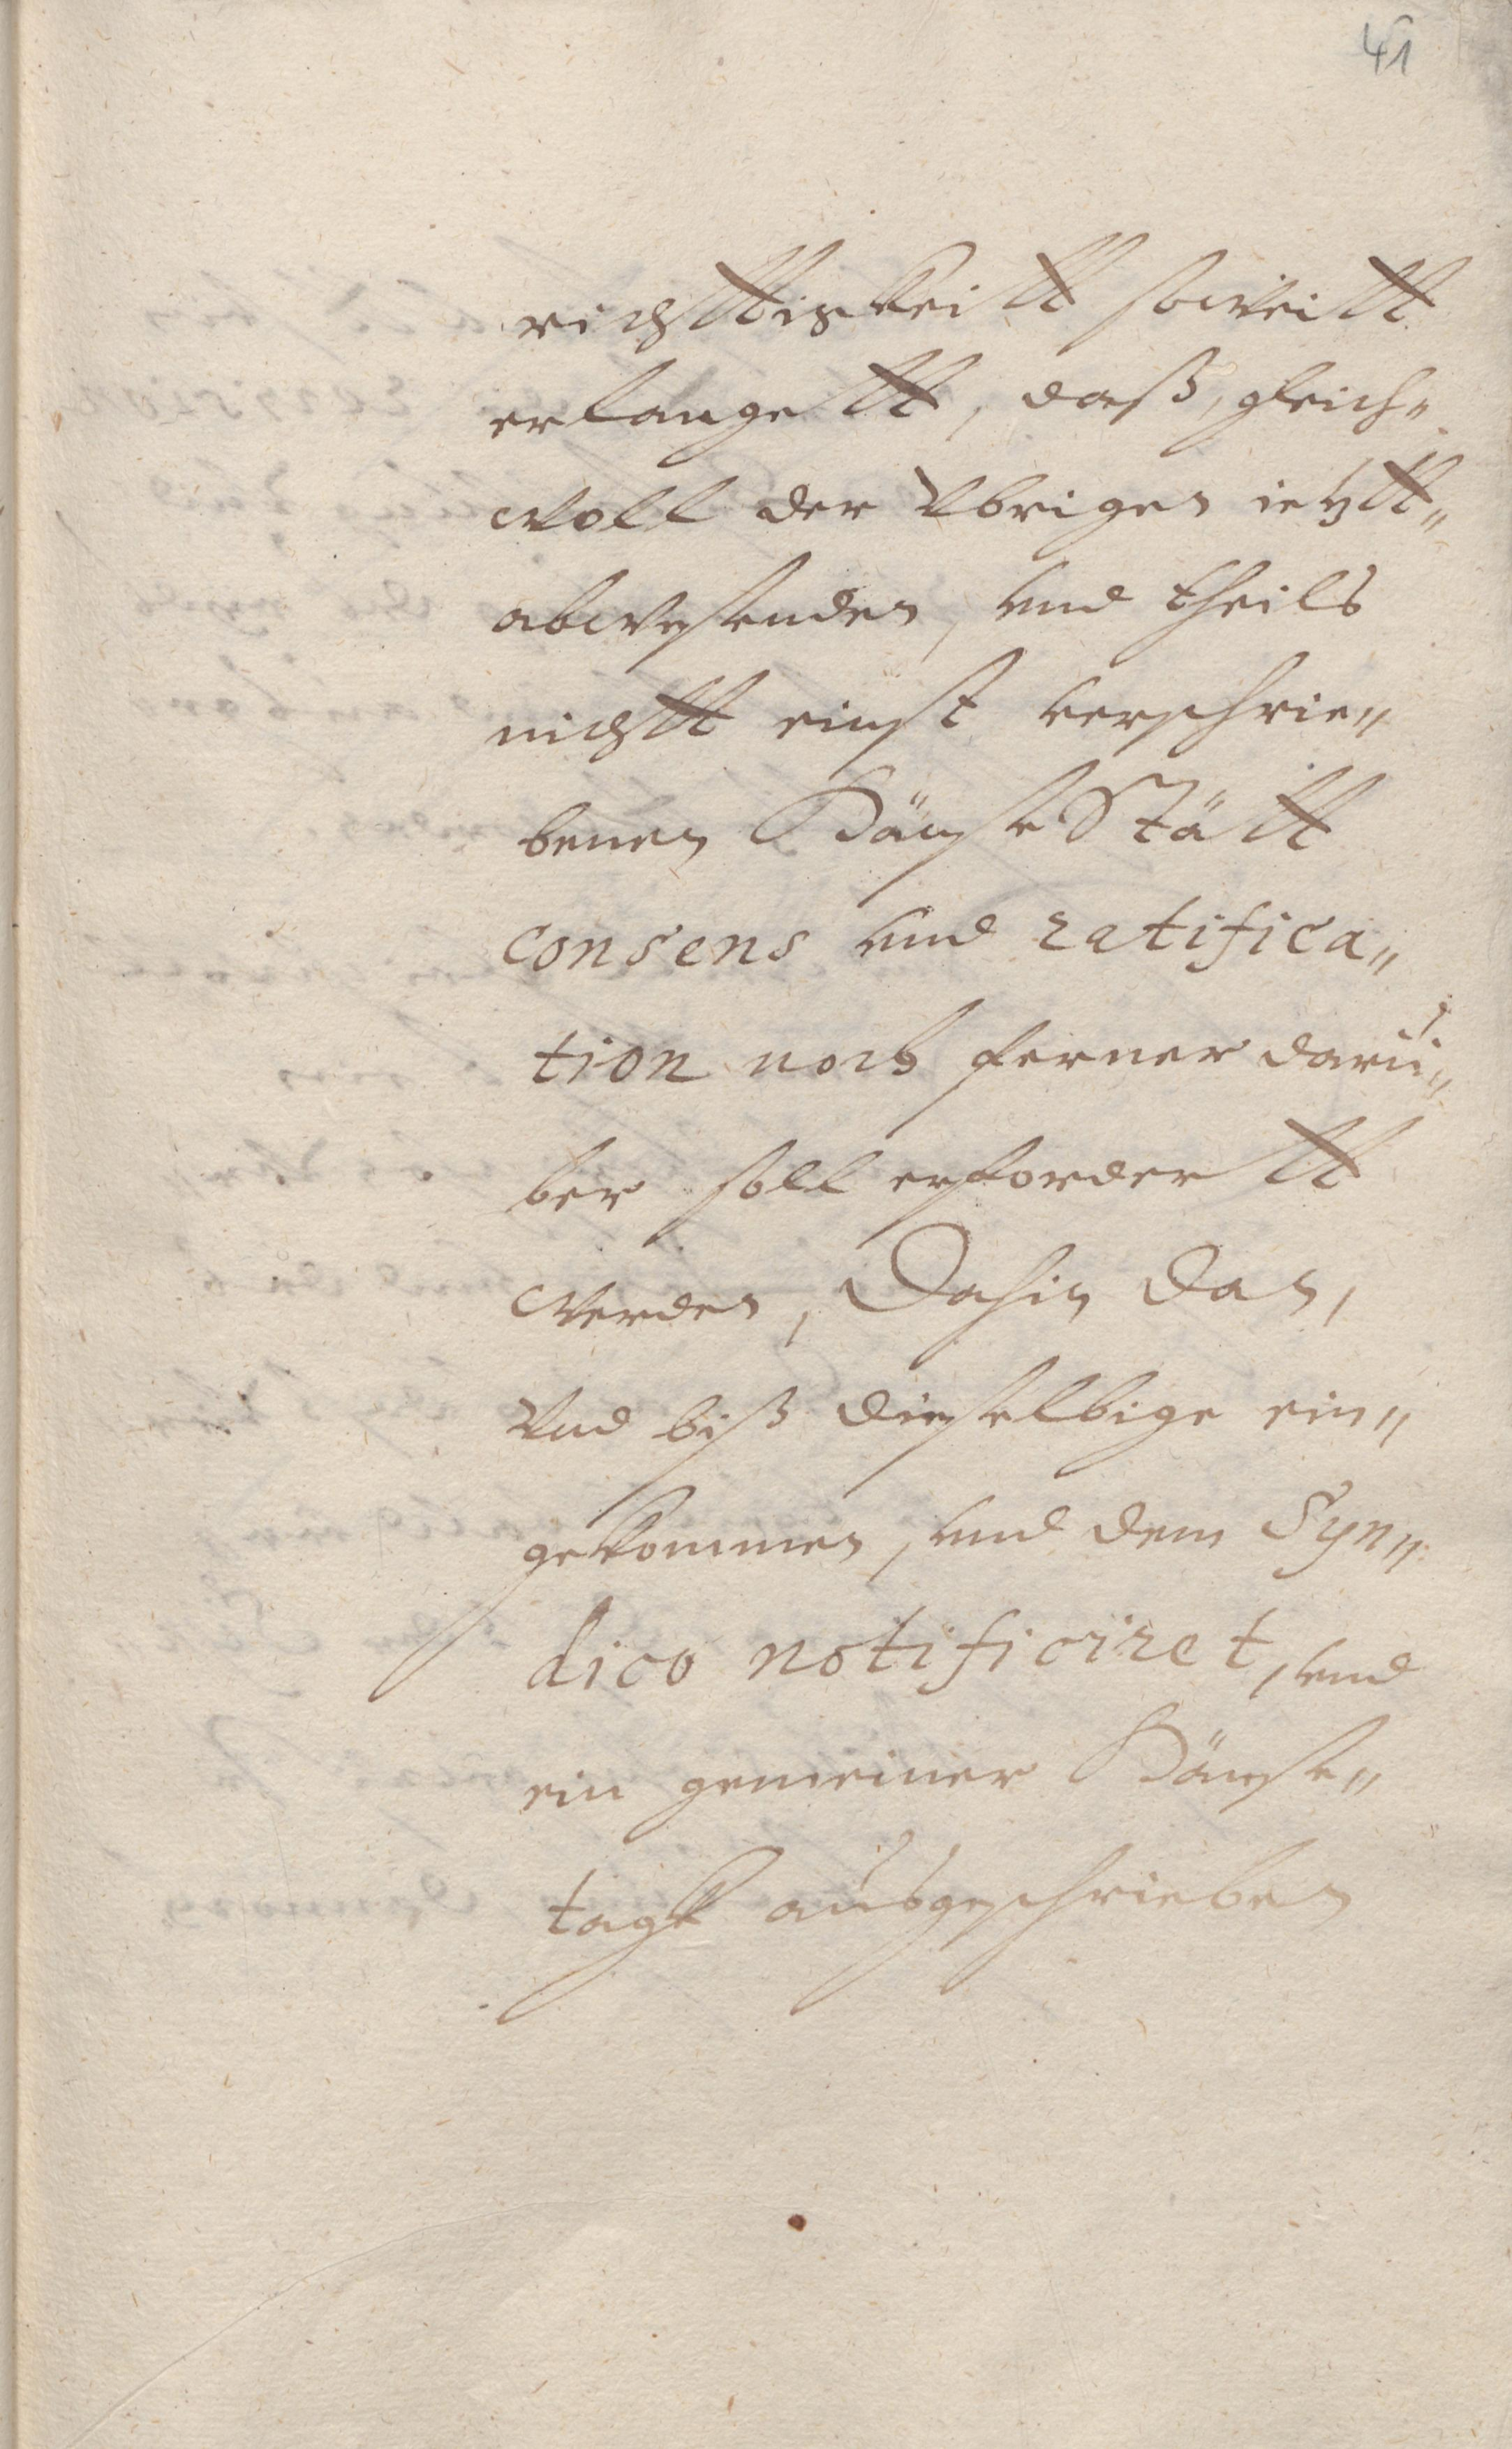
richtigkeitt soweitt
erlangett, daß gleich¬
woll der vbrigen ietztt¬
abwesenden, vnnd theils
nichtt einst verschrie¬
benen Hänse Stätt
consens vnd ratifica¬
tion noch ferner darü-
ber soll erfordertt
werden, Dahin dan,
Vnd biß dieselbige ein¬
gekommen, vnd dem Syn¬
dico notificiret, vnd
ein gemeiner Hänse¬
tagk ausgeschrieben
